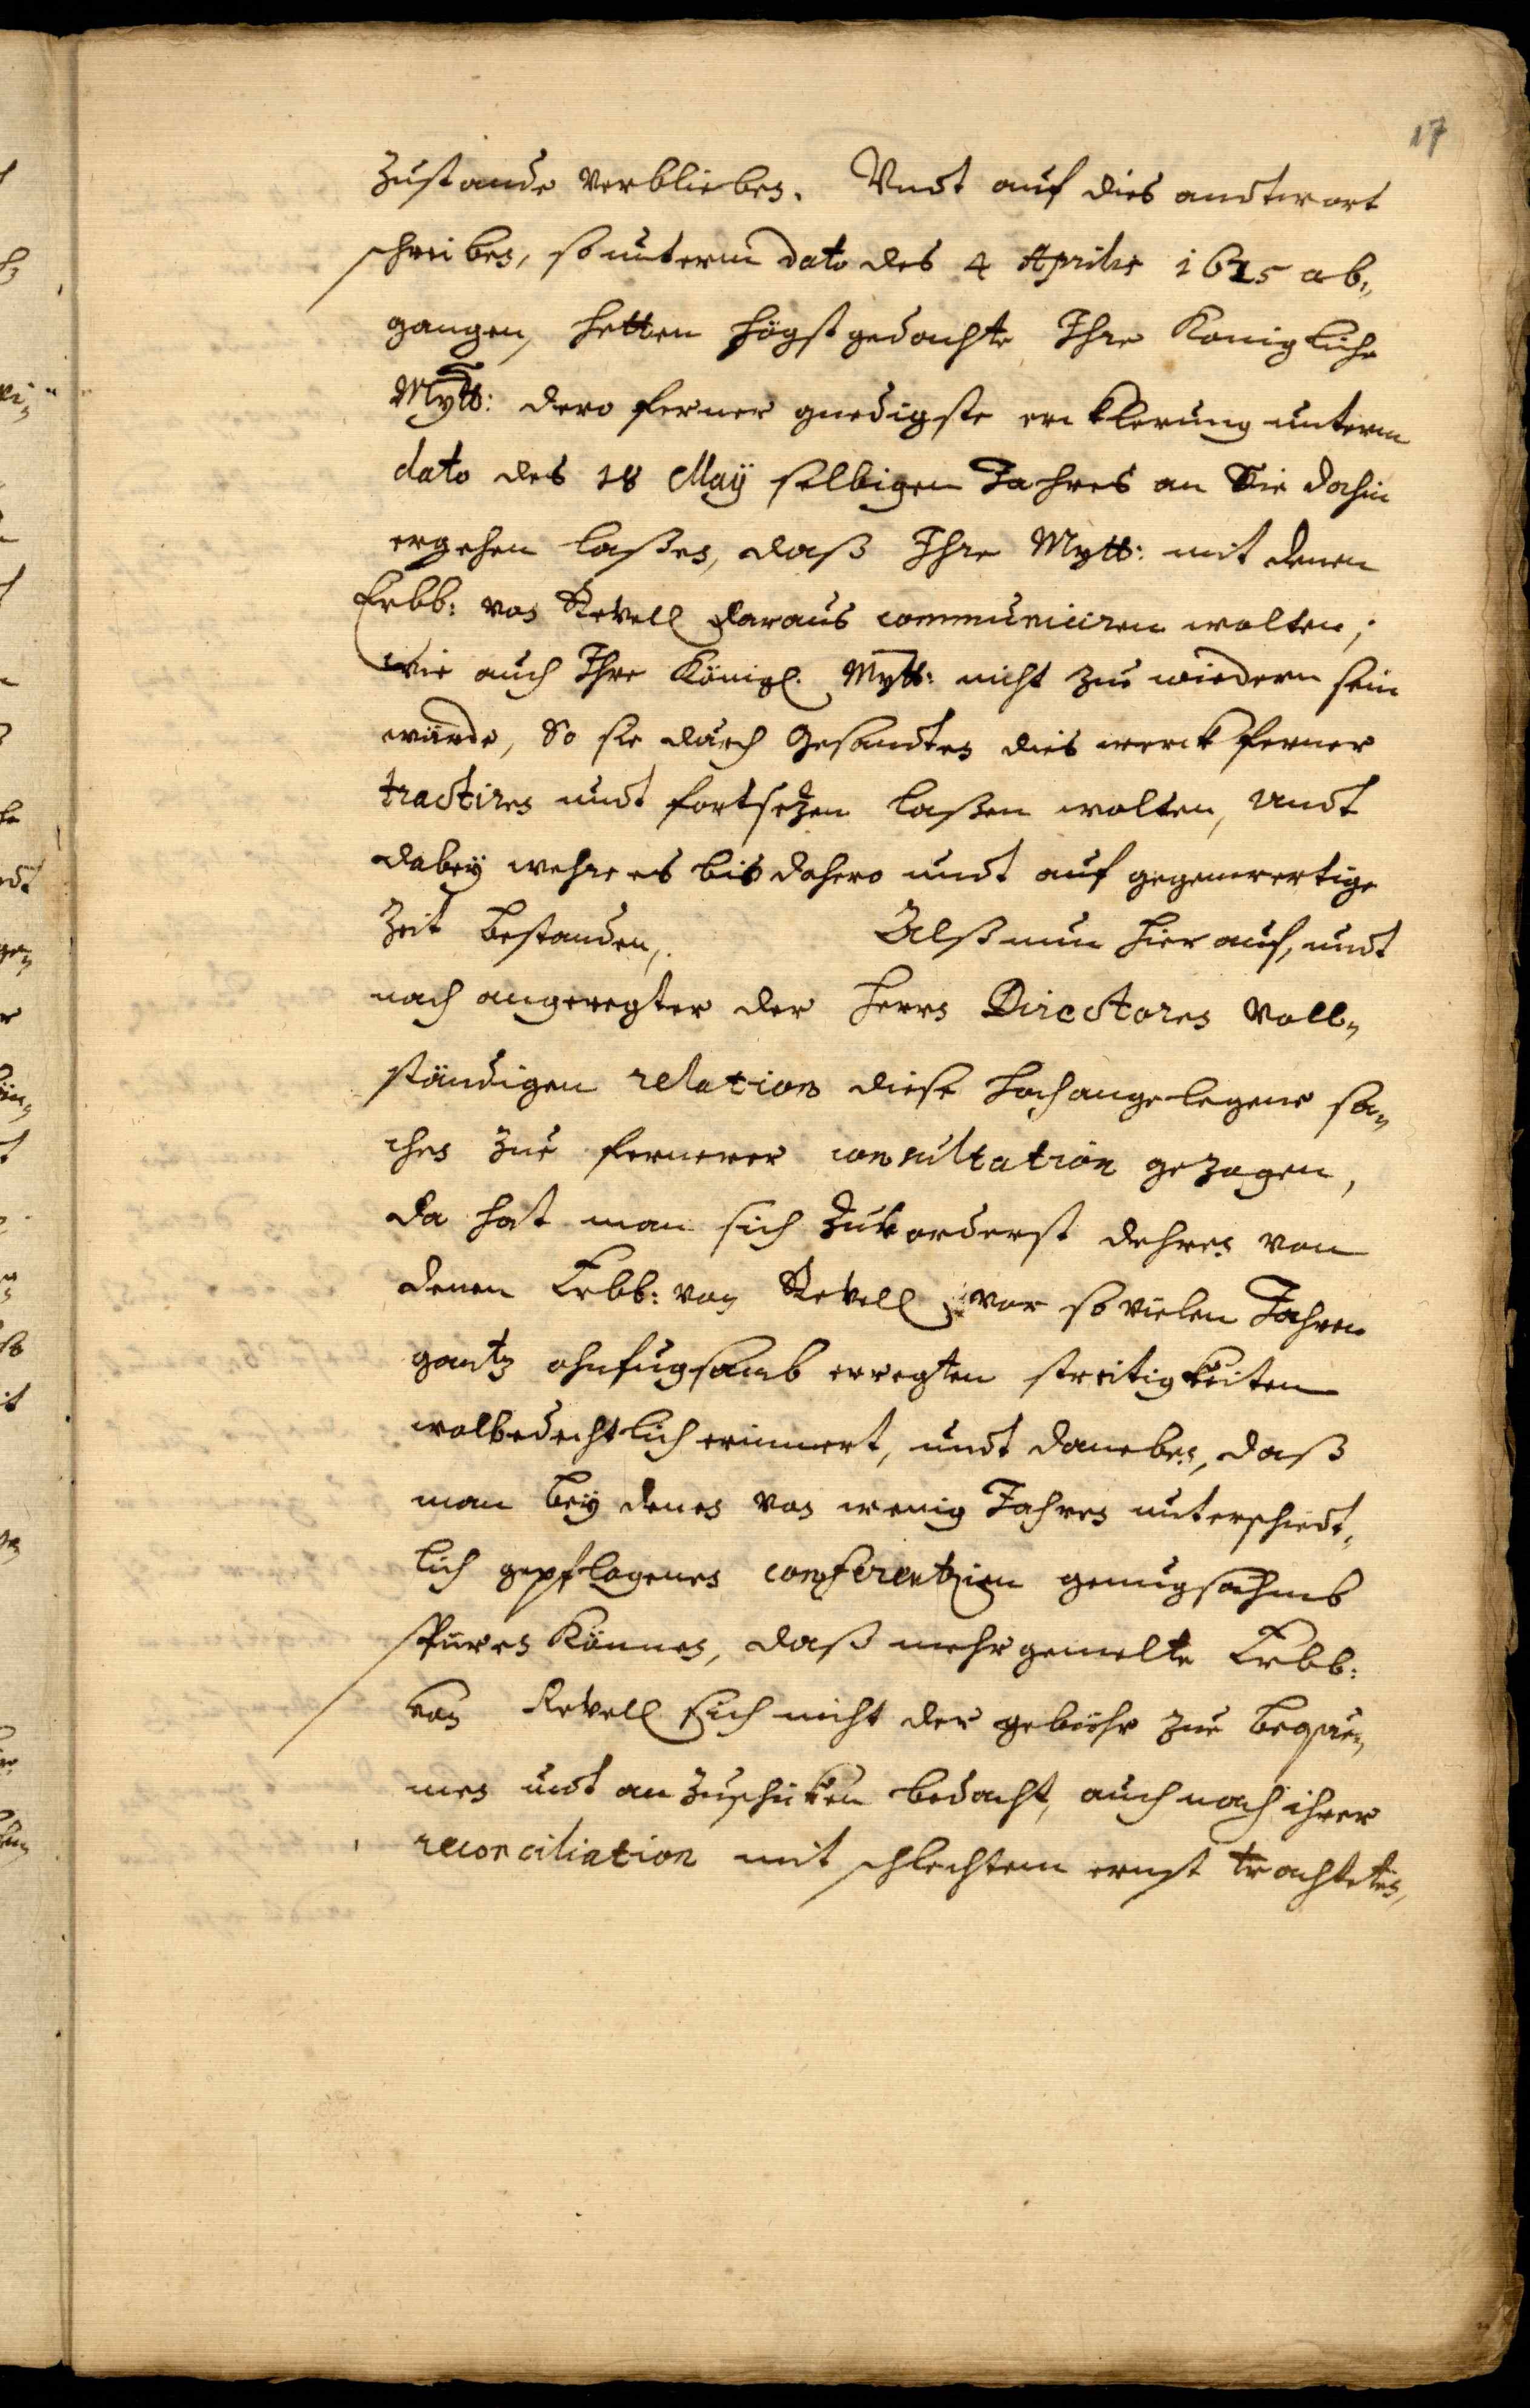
17
zustande verblieben. Undt auf dies andtwort
schreiben, so unterm dato des 4 Aprilis 1625 ab¬
gangen, hetten högst gedachte Ihre konigliche
Mijtt: dero ferner gnedigste ercklerung unterm
dato des 18 Maij selbigen Iahres an Sie dahin
ergehen laßen, daß Ihre Mijtt: mit denen
Erbb: von Revall daraus communicieren wolten;
wie auch Ihre königl. Mijtt: nicht zue wiedern sein
würde, So sie durch Gesandten dies werck ferner
tractiren undt fortsetzen laßen wolten, undt
dabeij wehre es bis dahero undt auf gegenwertige
zeit bestanden, Alß nun hier auf, undt
nach angeregter der herrn Directoren voll¬
ständigen relation diese hochangelegene sa¬
chen zue fernerer consultation gezogen,
da hat man sich zuvorderst dehren von
denen Erbb: von Revell vor so vielen Iahren
gantz ohnfugsamb erregten streitigkeiten
wolbedechtlich erinnert, undt daneben, daß
man beij denen von wenig Iahren unterschiedt¬
lich gepflogenen conferentzien genugsahmb
spüren können, daß mehr gemelte Erbb:
von Revell sich nicht der gebühr zue beque¬
men undt anzuschicken bedacht, auch nach ihrer
reconciliation mit schlechtem ernst trachteten,
